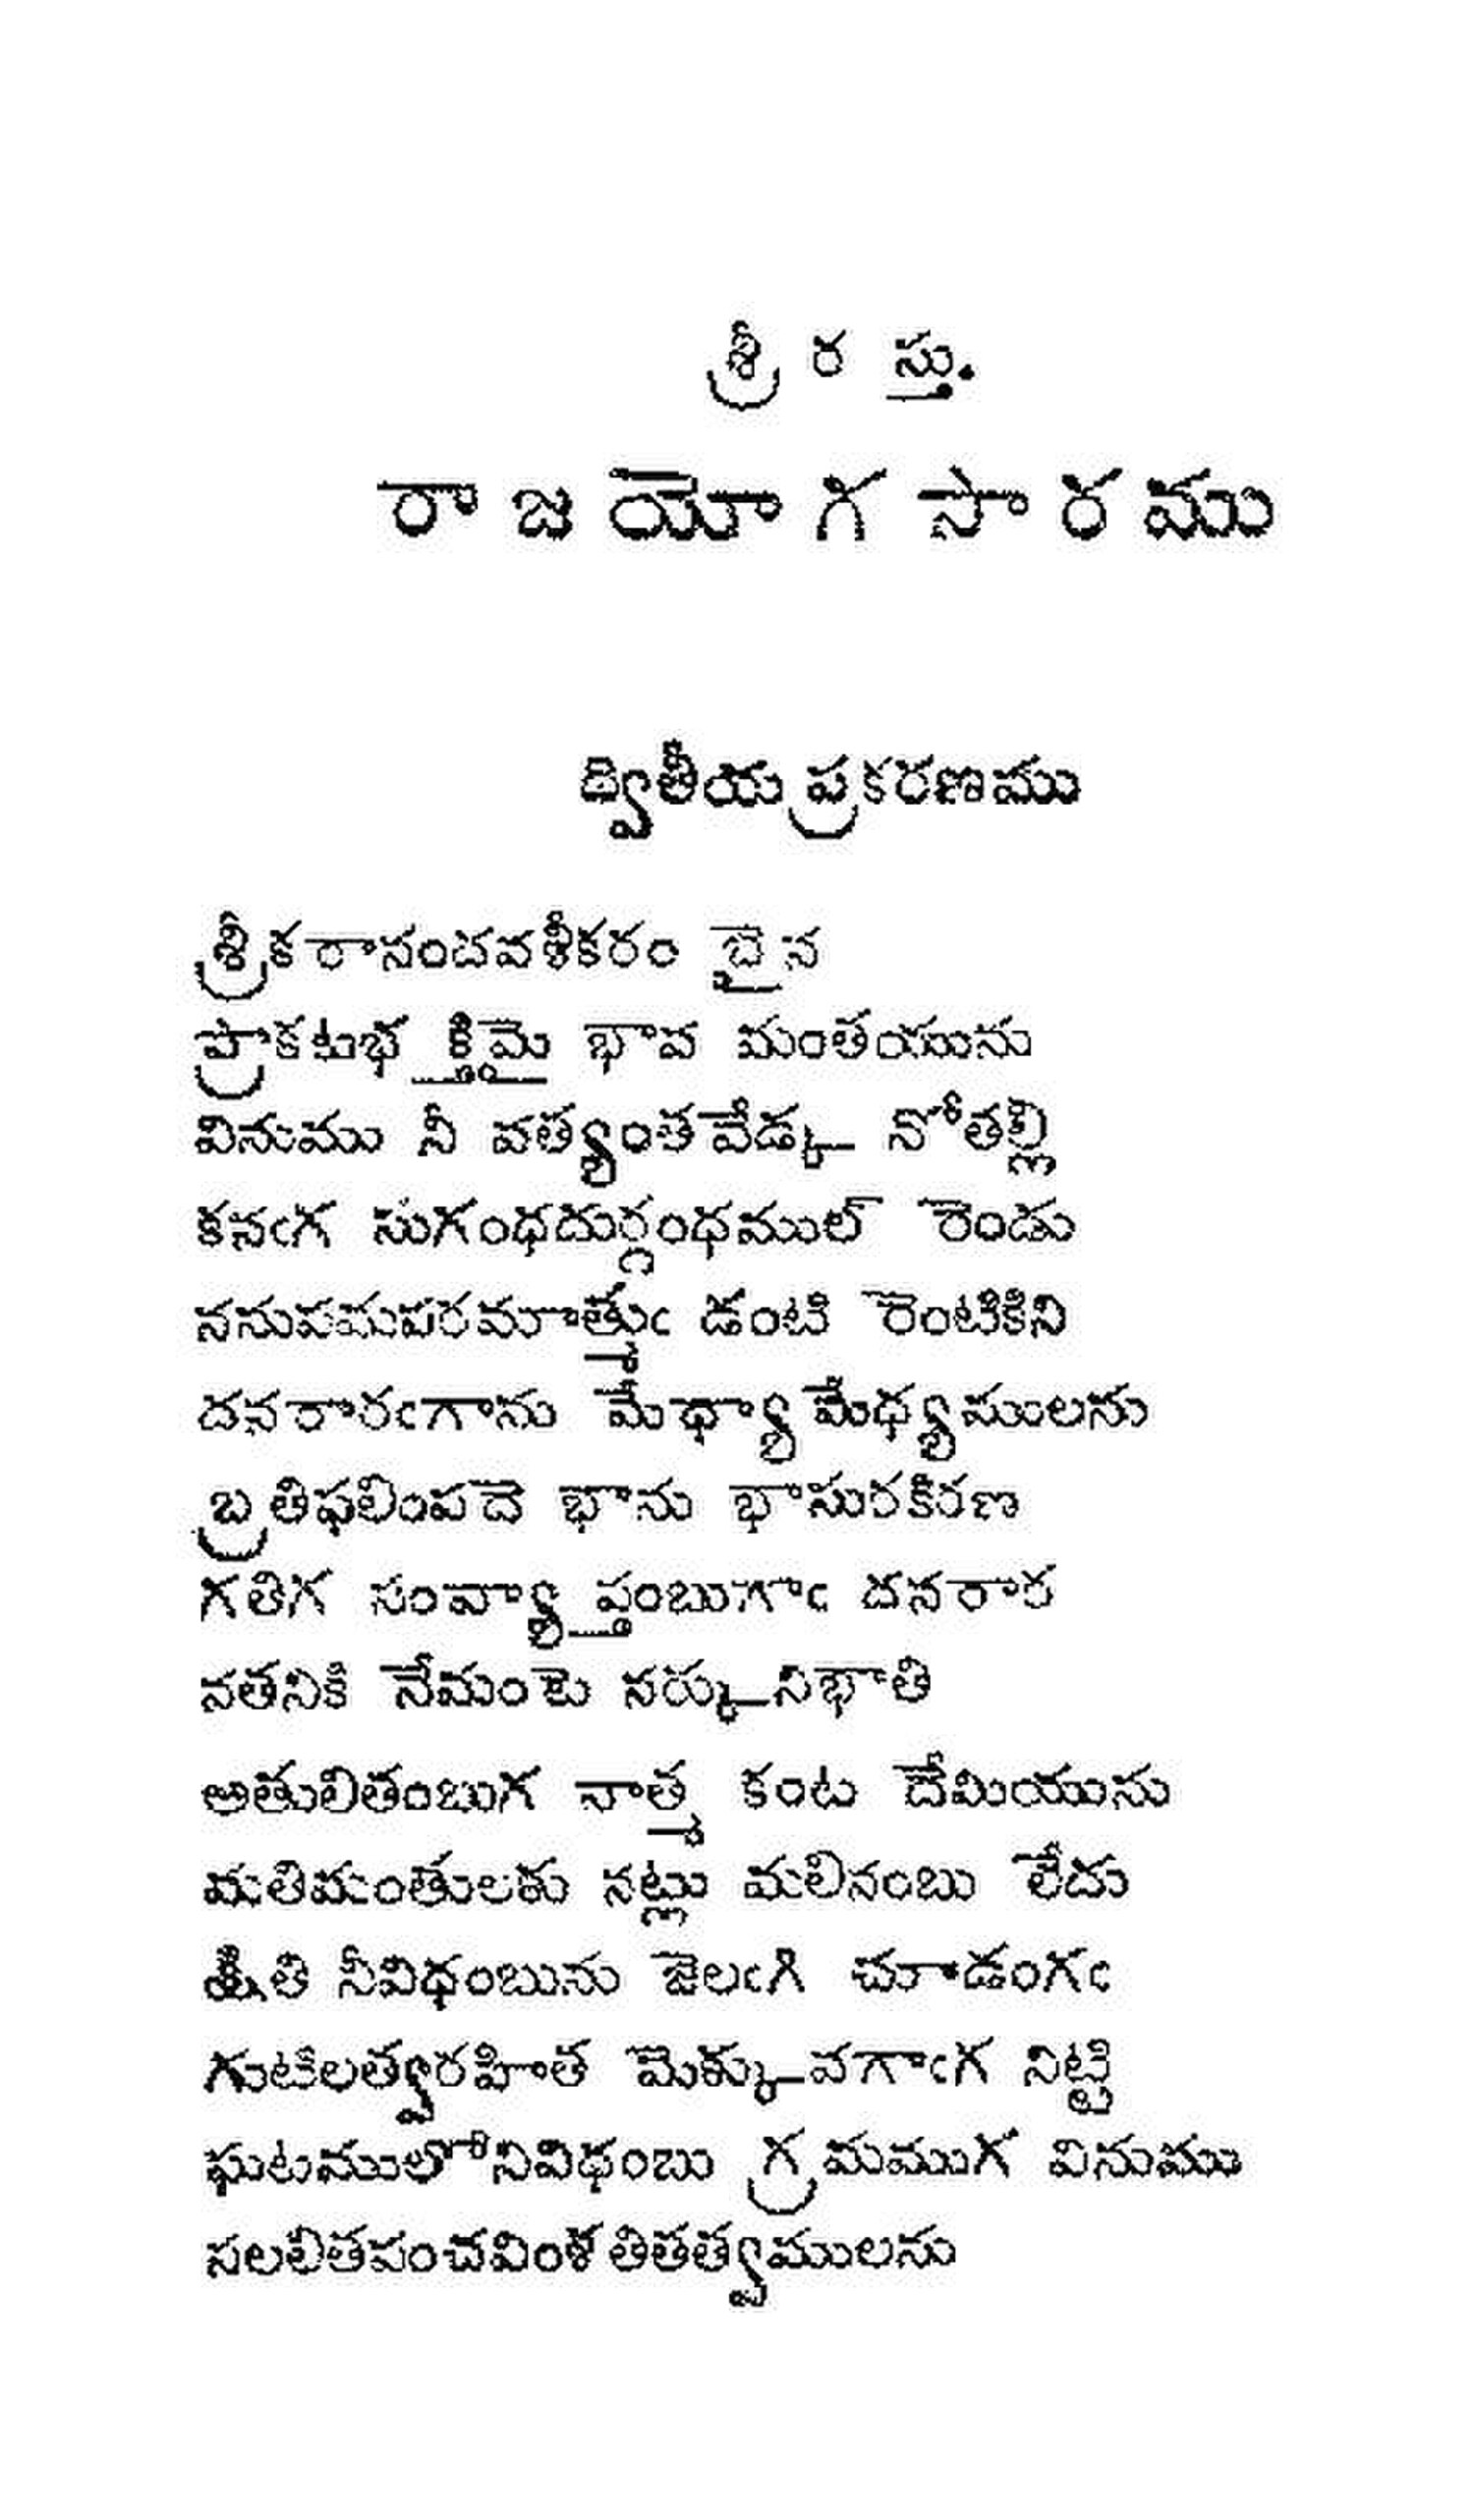శ్రీకరానందవశీకరం బైన
ప్రాకటభక్తిమై భావ మంతయును
వినుము నీ వత్యంతవేడ్క నోతల్లి
కనఁగ సుగంధదుర్గంధముల్ రెండు
ననుపమపరమాత్ముఁ డంటి రెంటికిని
దనరారఁగాను మేధ్యామేధ్యములను
బ్రతిఫలింపదె భాను భాసురకిరణ
గతిగ సంవ్యాప్తంబుగాఁ దనరార
నతనికి నేమంటె నర్కునిభాతి 
అతులితంబుగ నాత్మ కంట దేమియును
మతిమంతులకు నట్లు మలినంబు లేదు
క్షితి నీవిధంబును జెలఁగి చూడంగఁ
గుటిలత్వరహిత మెక్కువగాఁగ నిట్టి
ఘటములోనివిధంబు గ్రమముగ వినుము
సలలితపంచవింశతితత్వములను